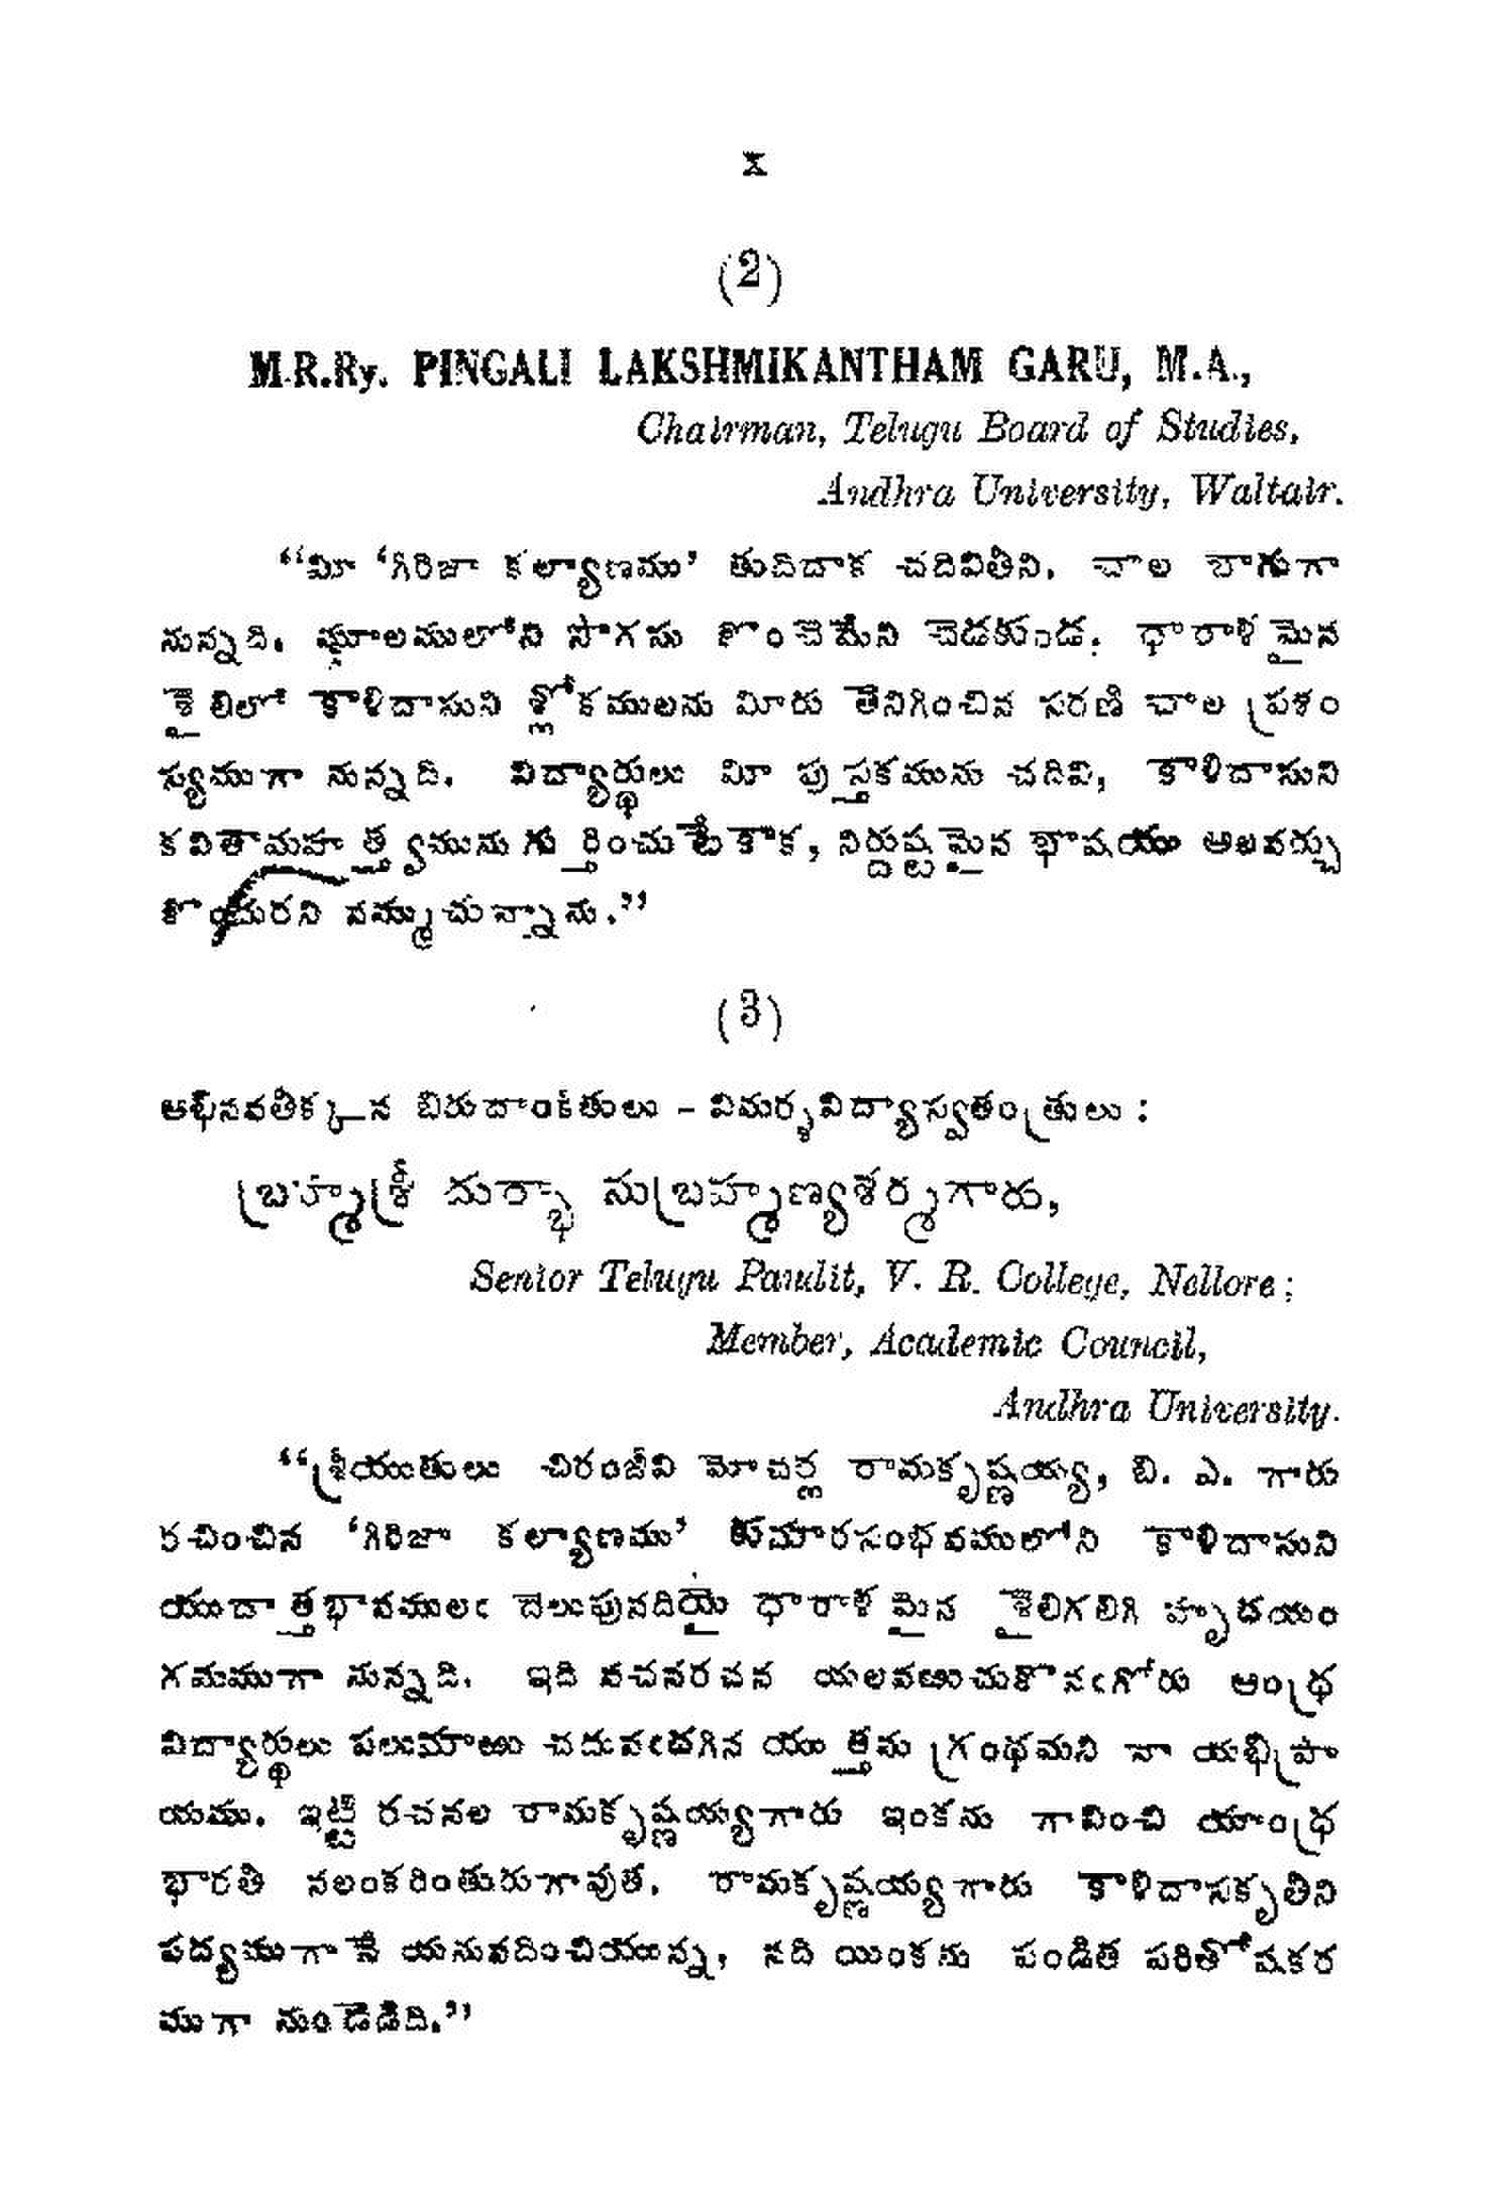M.R.Ry. PINGALI LAKSHMIKANTHAM GARU, M.A.,

“మీ 'గిరిజా కల్యాణము' తుదిదాక చదివితిని, చాల బాగుగా నున్నది. మూలములోని సొగసు కొంచెమేని చెడకుండ ధారాళమైనశైలిలో కాళిదాసుని శ్లోకములను మీరు తెనిగించిన సరణి చాల ప్రశంస్యముగా నున్నది. విద్యార్థులు మీ పుస్తకమును చదివి, కాళిదాసుని కవితామహ త్త్వమును గుర్తించుటేకాక, నిర్దుష్టమైన భాషయు అలవర్చుకొందురని నమ్ముచున్నాను.”

బ్రహ్మశ్రీ దుర్భా సుబ్రహ్మణ్యశర్మగారు,

"శ్రీయుతులు చిరంజీవి మోచర్ల రామకృష్ణయ్య, బి. ఎ. గారు రచించిన 'గిరిజా కళ్యాణము' కుమారసంభవములోని కాళిదాసుని యుదాత్త భావములఁ దెలుపునదియై ధారాళమైన శైలిగలిగి హృదయం గమముగా నున్నది. ఇది వచనరచన యలవఱుచుకొనఁగోరు ఆంధ్ర విద్యార్థులు పలుమాఱు చదువఁదగిన యుత్తమ గ్రంథమని నా యభిప్రాయము, ఇట్టి రచనల రామకృష్ణయ్యగారు ఇంకను గావించి యాంధ్ర భారతి నలంకరింతురుగావుత, రామకృష్ణయ్యగారు కాళిదాసకృతిని పద్యముగానే యనువదించియున్న, నది యింకను పండిత పరితోషకరముగా నుండెడిది.”